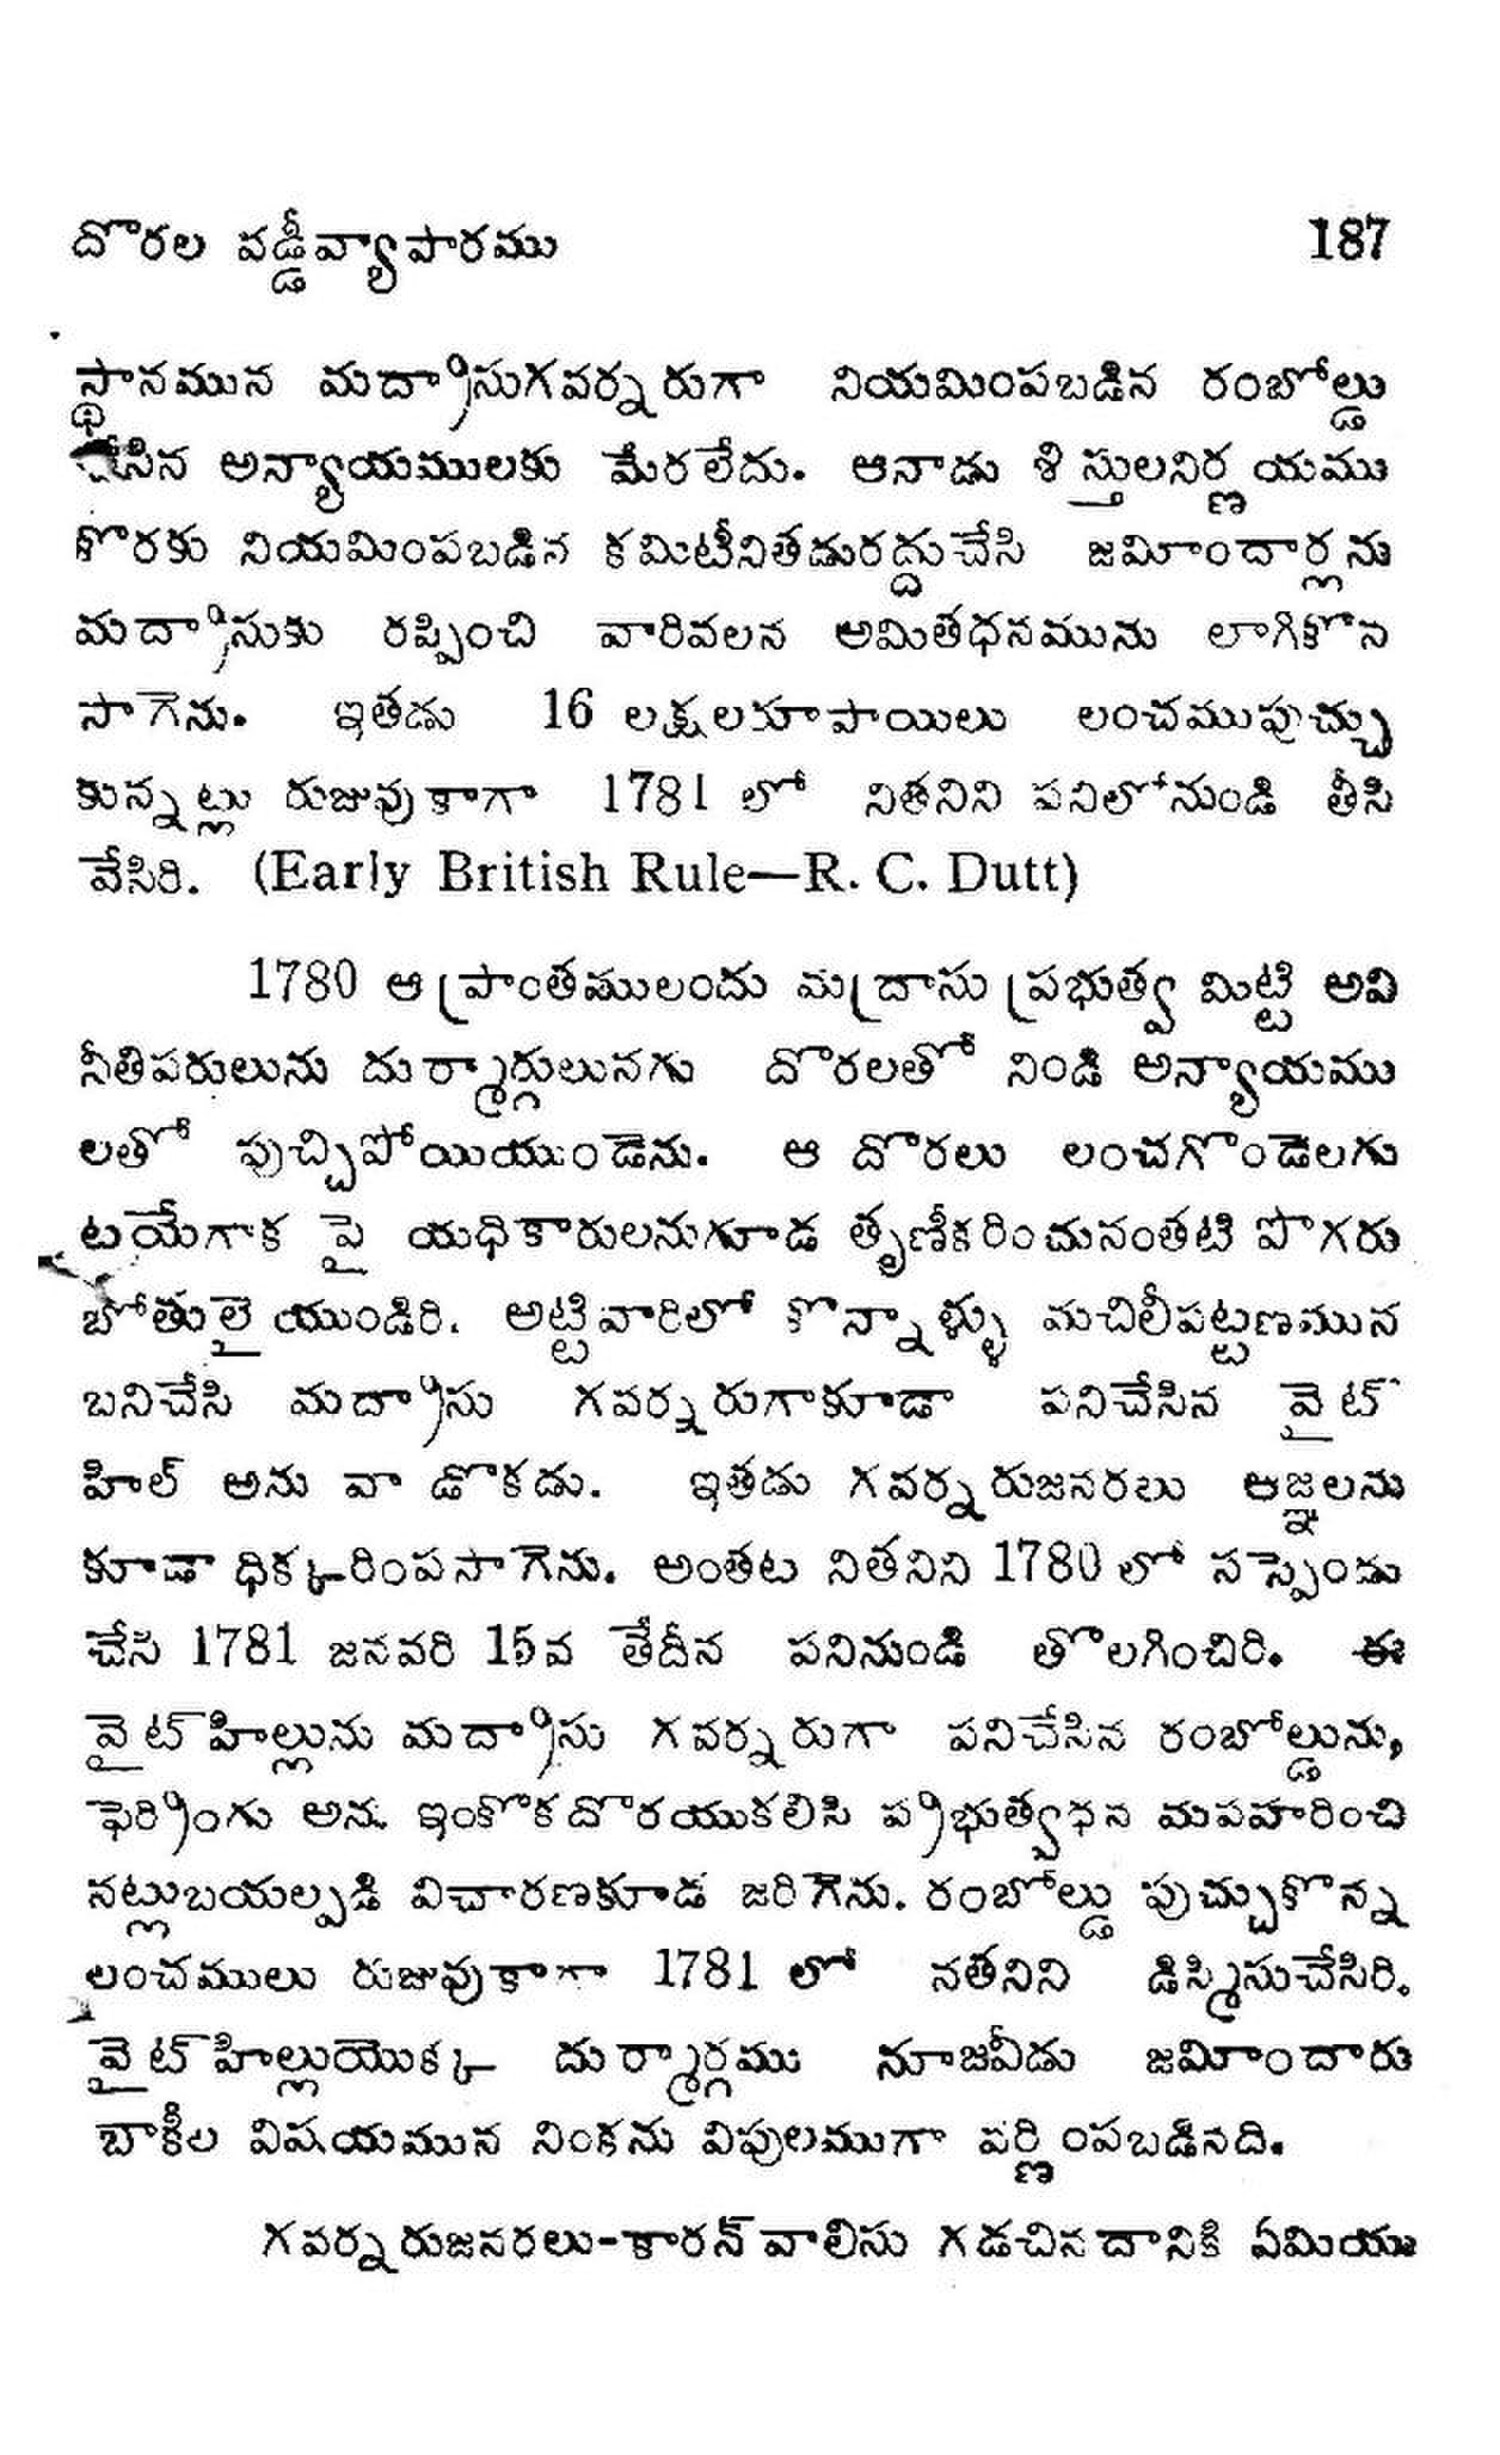స్థానమున మద్రాసుగవర్నరుగా నియమింపబడిన రంబోల్డు చేసిన అన్యాయములకు మేరలేదు. ఆనాడు శిస్తులనిర్ణయము కొరకు నియమింపబడిన కమిటీనితడురద్దుచేసి జమీందార్లను మద్రాసుకు రప్పించి వారివలన అమితధనమును లాగికొనసాగెను. ఇతడు 16 లక్షలరూపాయిలు లంచముపుచ్చుకున్నట్లు రుజువుకాగా 1781 లో నితనిని పనిలోనుండి తీసివేసిరి. (Early British Rule-R. C. Dutt)

1780 ఆ ప్రాంతములందు మద్రాసు ప్రభుత్వ మిట్టి అవినీతిపరులును దుర్మార్గులునగు దొరలతో నిండి అన్యాయములతో ఫుచ్చిపోయియుండెను. ఆ దొరలు లంచగొండెలగుటయేగాక పై యధికారులనుగూడ తృణీకరించునంతటి పొగరుబోతులై యుండిరి. అట్టి వారిలో కొన్నాళ్ళు మచిలీపట్టణమున బనిచేసి మద్రాసు గవర్నరుగాకూడా పనిచేసిన వైట్ హిల్ అను వా డొకడు. ఇతడు గవర్నరుజనరలు ఆజ్ఞలను కూడా ధిక్కరింపసాగెను. అంతట నితనిని 1780 లో సస్పెండు చేసి 1781 జనవరి 15వ తేదీన పనినుండి తొలగించిరి. ఈ వైట్‌హిల్లును మద్రాసు గవర్నరుగా పనిచేసిన రంబోల్డును, ఫెర్రింగు అను ఇంకొకదొరయుకలిసి ప్రభుత్వధన మపహరించినట్లు బయల్పడి విచారణకూడ జరిగెను. రంబోల్డు పుచ్చుకొన్న లంచములు రుజువుకాగా 1781 లో నతనిని డిస్మిసుచేసిరి. వైట్‌హిల్లుయొక్క దుర్మార్గము నూజవీడు జమీందారు బాకీల విషయమున నింకను విపులముగా వర్ణింపబడినది.

గవర్నరుజనరలు-కారన్ వాలిసు గడచినదానికి ఏమియు